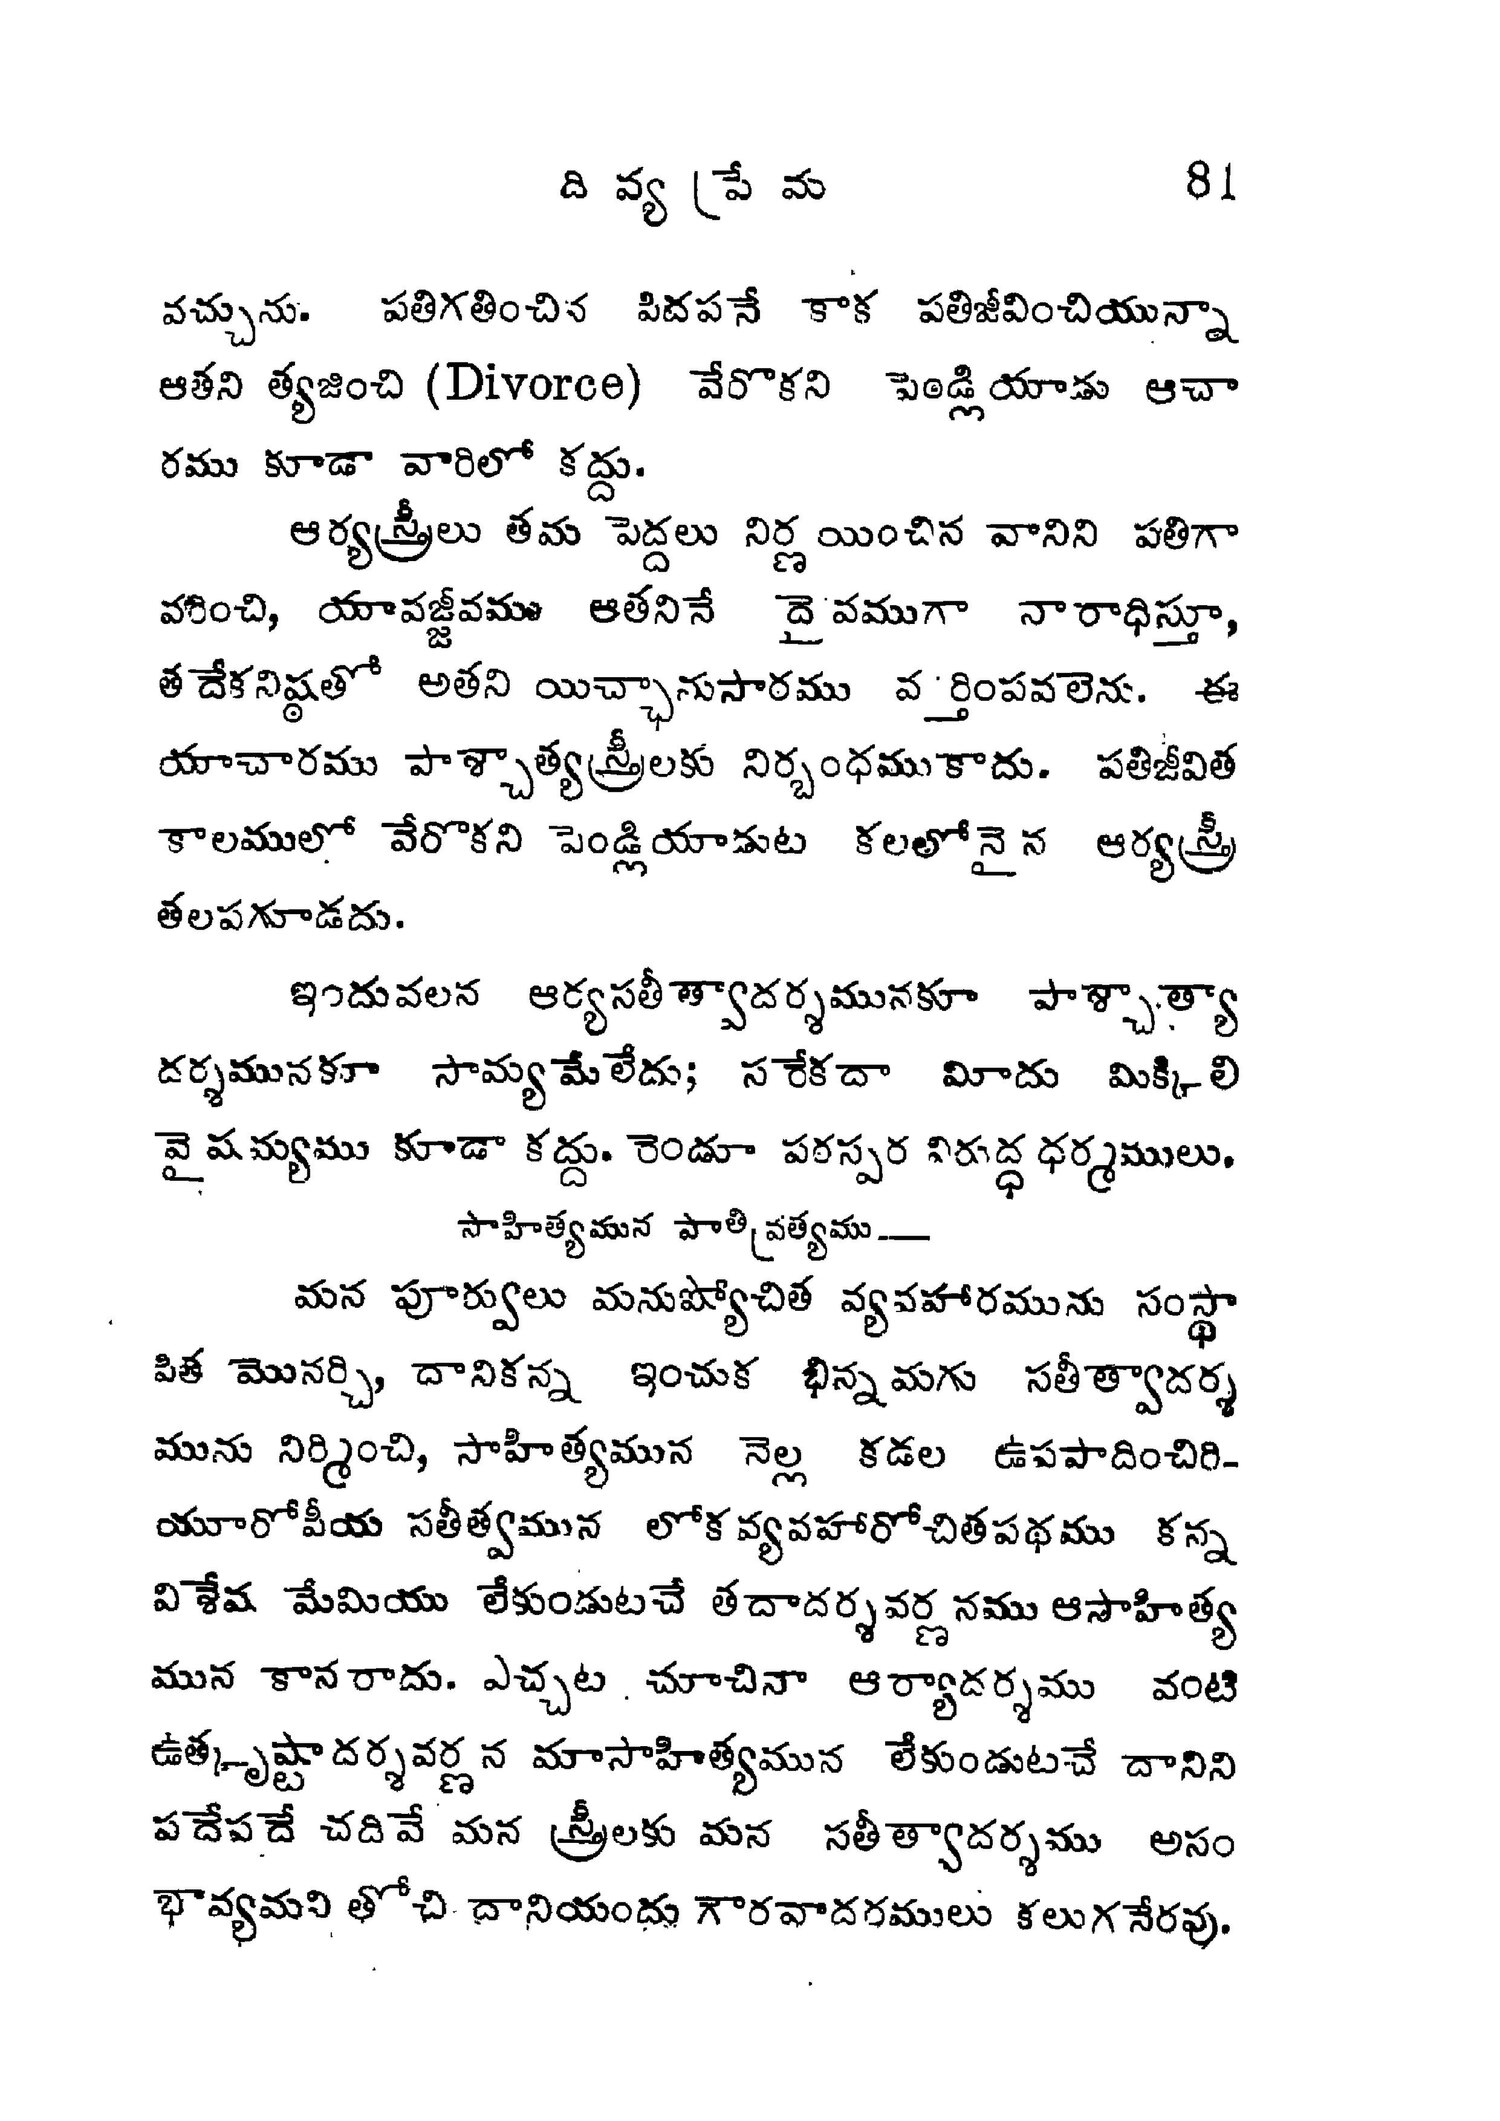వచ్చును. పతిగతించిన పిదపనే కాక పతిజీవించియున్నా ఆతని త్యజించి (Divorce) వేరొకని పెండ్లియాడు ఆచారము కూడా వారిలో కద్దు.

ఆర్యస్త్రీలు తమ పెద్దలు నిర్ణయించిన వానిని పతిగా వరించి, యావజ్జీవము ఆతనినే దైవముగా నారాధిస్తూ, తదేకనిష్ఠతో అతని యిచ్ఛానుసారము వర్తింపవలెను. ఈ యాచారము పాశ్చాత్యస్త్రీలకు నిర్బంధముకాదు. పతిజీవిత కాలములో వేరొకని పెండ్లియాడుట కలలోనైన ఆర్యస్త్రీ తలపగూడదు.

ఇందువలన ఆర్యసతీత్వాదర్శమునకూ పాశ్చాత్యాదర్శమునకూ సామ్యమేలేదు; సరేకదా మీదు మిక్కిలి వైషమ్యము కూడా కద్దు. రెండూ పరస్పర విరుద్ధ ధర్మములు.

మన పూర్వులు మనుష్యోచిత వ్యవహారమును సంస్థాపిత మొనర్చి, దానికన్న ఇంచుక భిన్నమగు సతీత్వాదర్శమును నిర్మించి, సాహిత్యమున నెల్ల కడల ఉపపాదించిరి. యూరోపీయ సతీత్వమున లోకవ్యవహారోచితపథము కన్న విశేష మేమియు లేకుండుటచే తదాదర్శవర్ణనము ఆసాహిత్యమున కానరాదు. ఎచ్చట చూచినా ఆర్యాదర్శము వంటి ఉత్కృష్టాదర్శవర్ణన మాసాహిత్యమున లేకుండుటచే దానిని పదేపదే చదివే మన స్త్రీలకు మన సతీత్వాదర్శము అసంభావ్యమని తోచి దానియందు గౌరవాదరములు కలుగనేరవు.